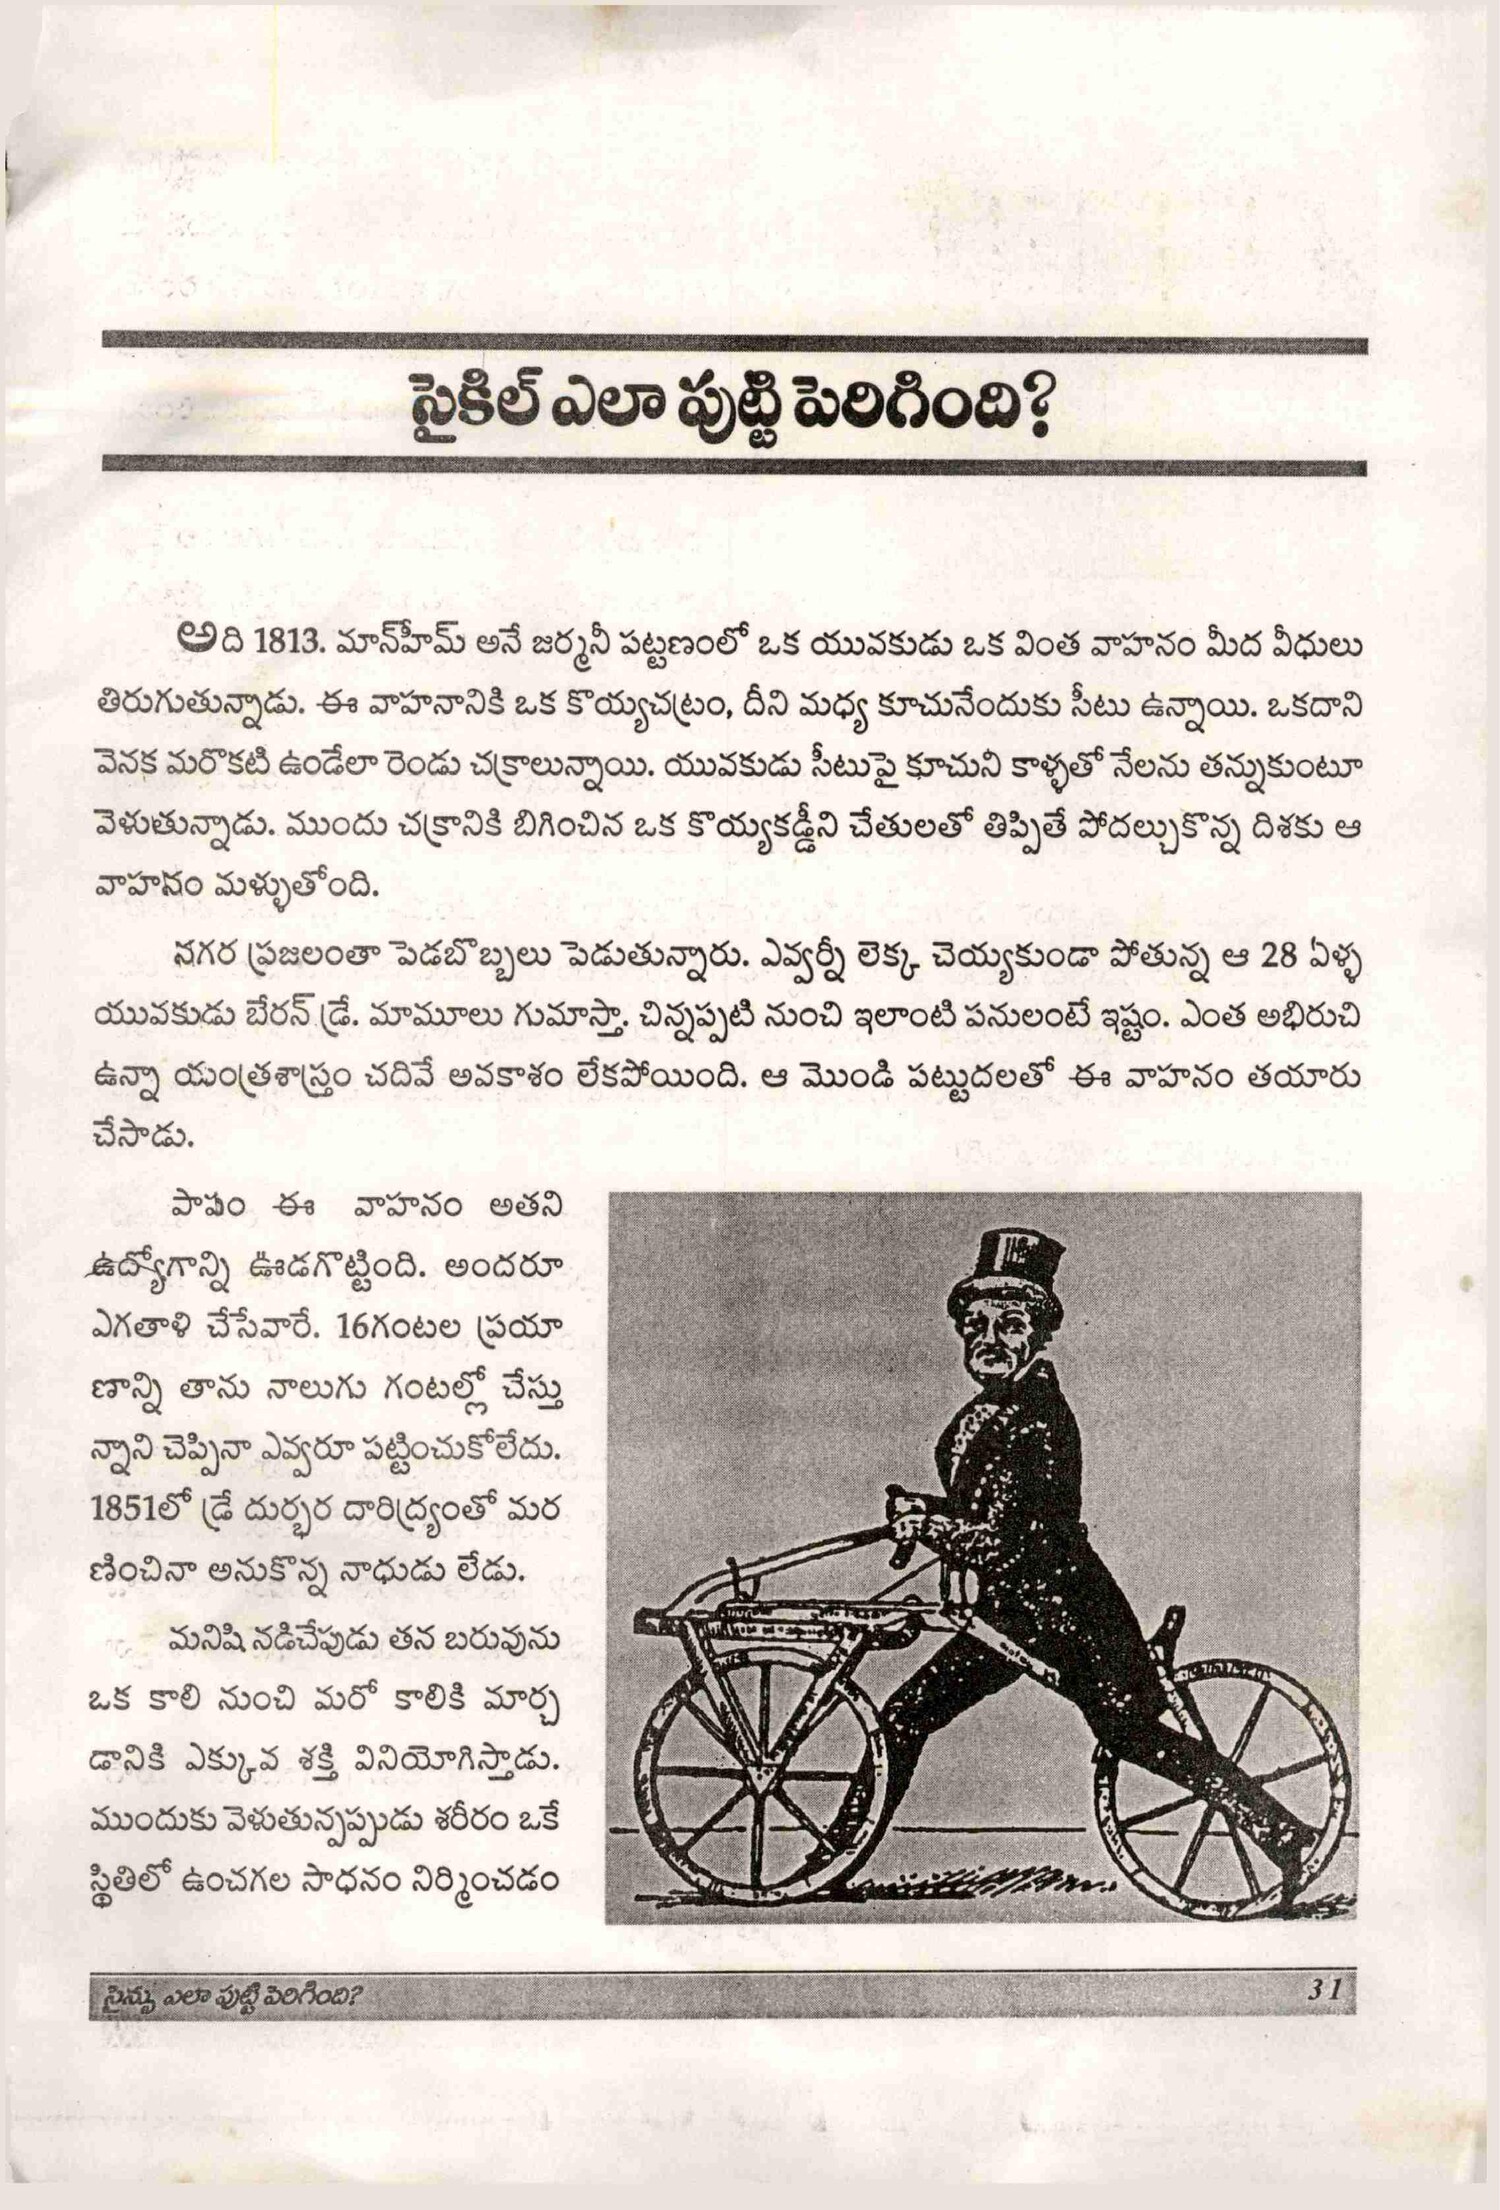సైకిల్ ఎలా పుట్టి పెరిగింది?

అది 1813. మాన్‌హీమ్ అనే జర్మనీ పట్టణంలో ఒక యువకుడు ఒక వింత వాహనం మీద వీధులు తిరుగుతున్నాడు. ఈ వాహనానికి ఒక కొయ్యచట్రం, దీని మధ్య కూచునేందుకు సీటు ఉన్నాయి. ఒకదాని వెనక మరొకటి ఉండేలా రెండు చక్రాలున్నాయి. యువకుడు సీటుపై కూచుని కాళ్ళతో నేలను తన్నుకుంటూ వెళుతున్నాడు. ముందు చక్రానికి బిగించిన ఒక కొయ్యకడ్డీని చేతులతో తిప్పితే పోదల్చుకొన్న దిశకు ఆ వాహనం మళ్ళుతోంది.

నగర ప్రజలంతా పెడబొబ్బలు పెడుతున్నారు. ఎవ్వర్నీ లెక్క చెయ్యకుండా పోతున్న ఆ 28 ఏళ్ళ యువకుడు బేరన్ డ్రే. మామూలు గుమాస్తా. చిన్నప్పటి నుంచి ఇలాంటి పనులంటే ఇష్టం. ఎంత అభిరుచి ఉన్నా యంత్రశాస్త్రం చదివే అవకాశం లేకపోయింది. ఆ మొండి పట్టుదలతో ఈ వాహనం తయారు చేసాడు.

పాపం ఈ వాహనం అతని ఉద్యోగాన్ని ఊడగొట్టింది. అందరూ ఎగతాళి చేసేవారే. 16గంటల ప్రయాణాన్ని తాను నాలుగు గంటల్లో చేస్తున్నాని చెప్పినా ఎవ్వరూ పట్టించుకోలేదు. 1851లో డ్రే దుర్భర దారిద్య్రంతో మరణించినా అనుకొన్న నాధుడు లేడు.

మనిషి నడిచేపుడు తన బరువును ఒక కాలి నుంచి మరో కాలికి మార్చడానికి ఎక్కువ శక్తి వినియోగిస్తాడు. ముందుకు వెళుతున్నప్పుడు శరీరం ఒకే
స్థితిలో ఉంచగల సాధనం నిర్మించడం